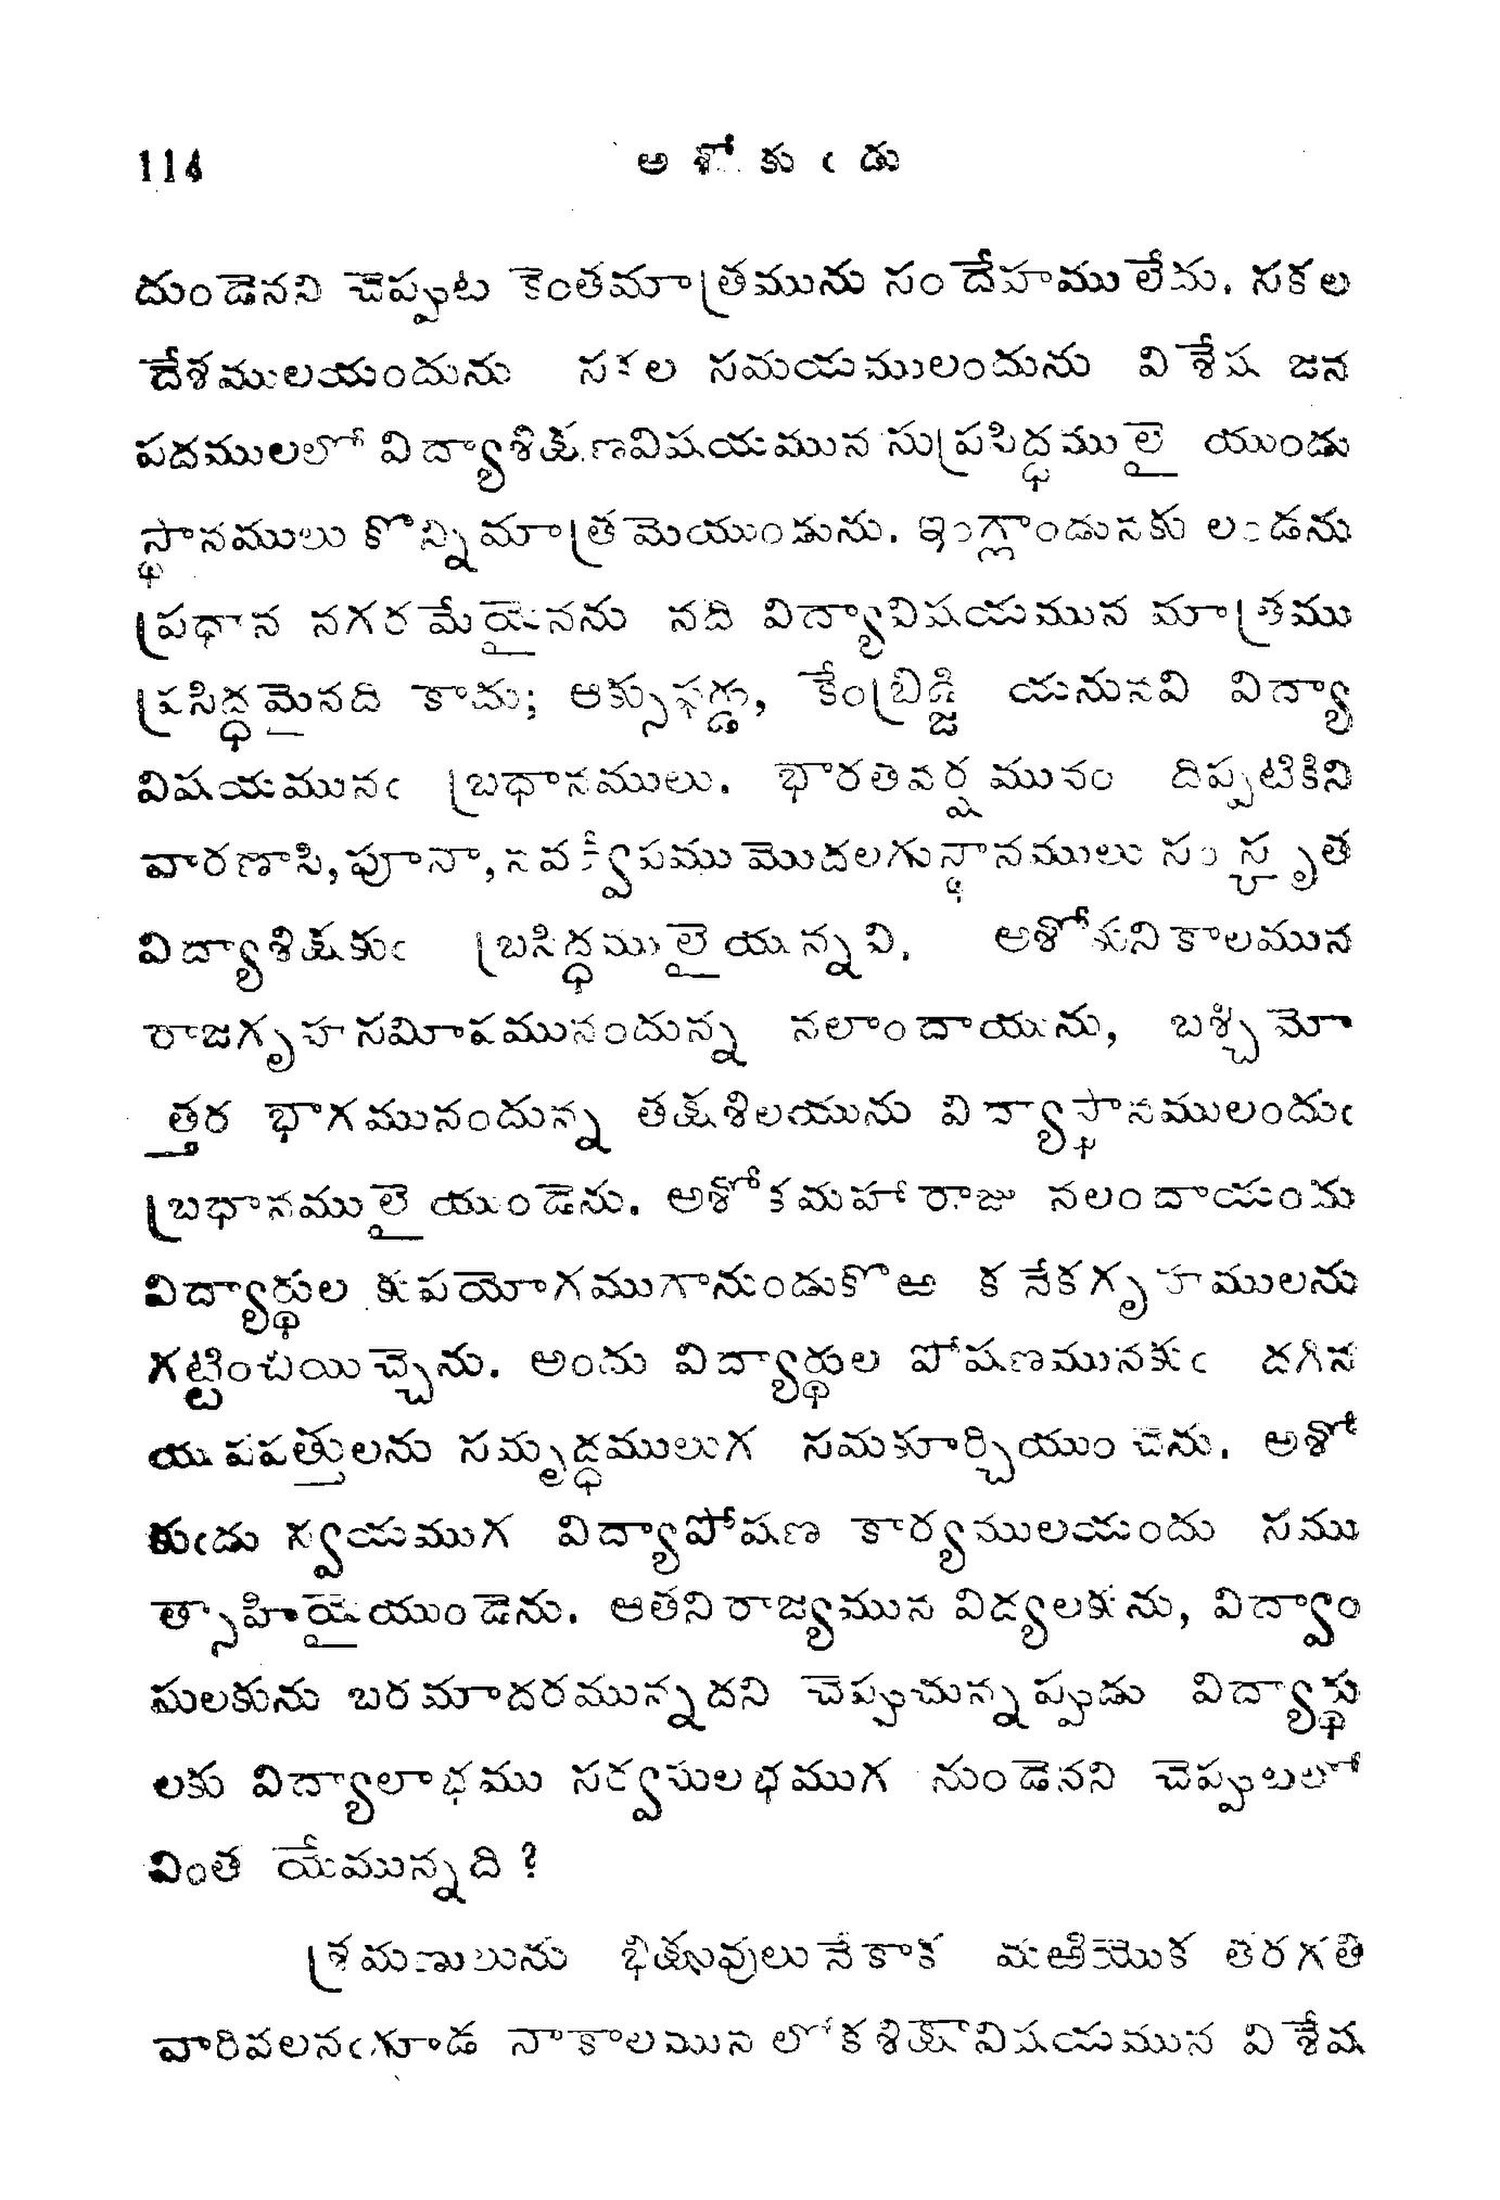దుండెనని చెప్పుట కెంతమాత్రమును సందేహము లేదు. సకల దేశములయందును సకల సమయములందును విశేష జనపదములలో విద్యాశిక్షణ విషయమున సుప్రసిద్ధము లై యుండు స్థానములు కొన్ని మాత్రమెయుండును. ఇంగ్లాండునకు లండను ప్రధాన నగర మేయైనను నదీ విద్యావిషయమున మాత్రము ప్రసిద్ధమైనది కాదు; ఆక్సుఫర్డు, కేంబ్రిడ్జి యనునవి విద్యా విషయమునఁ బ్రధానములు. భారతవర్ష మునం దిప్పటికిని వారణాసి, పూనా, నవద్వీపము మొదలగు స్థానములు సంస్రృత విద్యాశిక్షకుఁ బ్రసిద్ధములై యున్నవి. అశోకుని కాలమున రాజగృహ సమిపమునందున్న నలాందాయును, బశ్చిమోత్తర భాగమునందున్న తక్షశిలయును విద్యాస్థానములందుఁ బ్రధానము లై యుండెను. అశోకమహా రాజు నలం దాయందు విద్యార్థుల కుపయోగముగానుండుకొఱ కనేక గృహములను గట్టించియి చ్చెను. అందు విద్యార్థుల పోషణమునకుఁ దగిన యుపపత్తులను సమృద్ధములుగ సమకూర్చియుంచెను. అశోకుఁడు స్వయముగ విద్యాపోషణ కార్యములయందు సము
త్సాహియైయుండెను. అతని రాజ్యమున విద్యలకును, విద్వాంసులకును బరమాదరమున్నదని చెప్పుచున్నప్పుడు విద్యార్ధులకు విద్యాలాభము సర్వసులభముగ నుండెనని చెప్పుటలో
వింత యేమున్నది ?

శ్రమణులను భిక్షువులు నే కాక మఱి యొక తరగతి వారివలనఁగూడ నా కాలమున లోకశిక్షావిషయమున విశేష